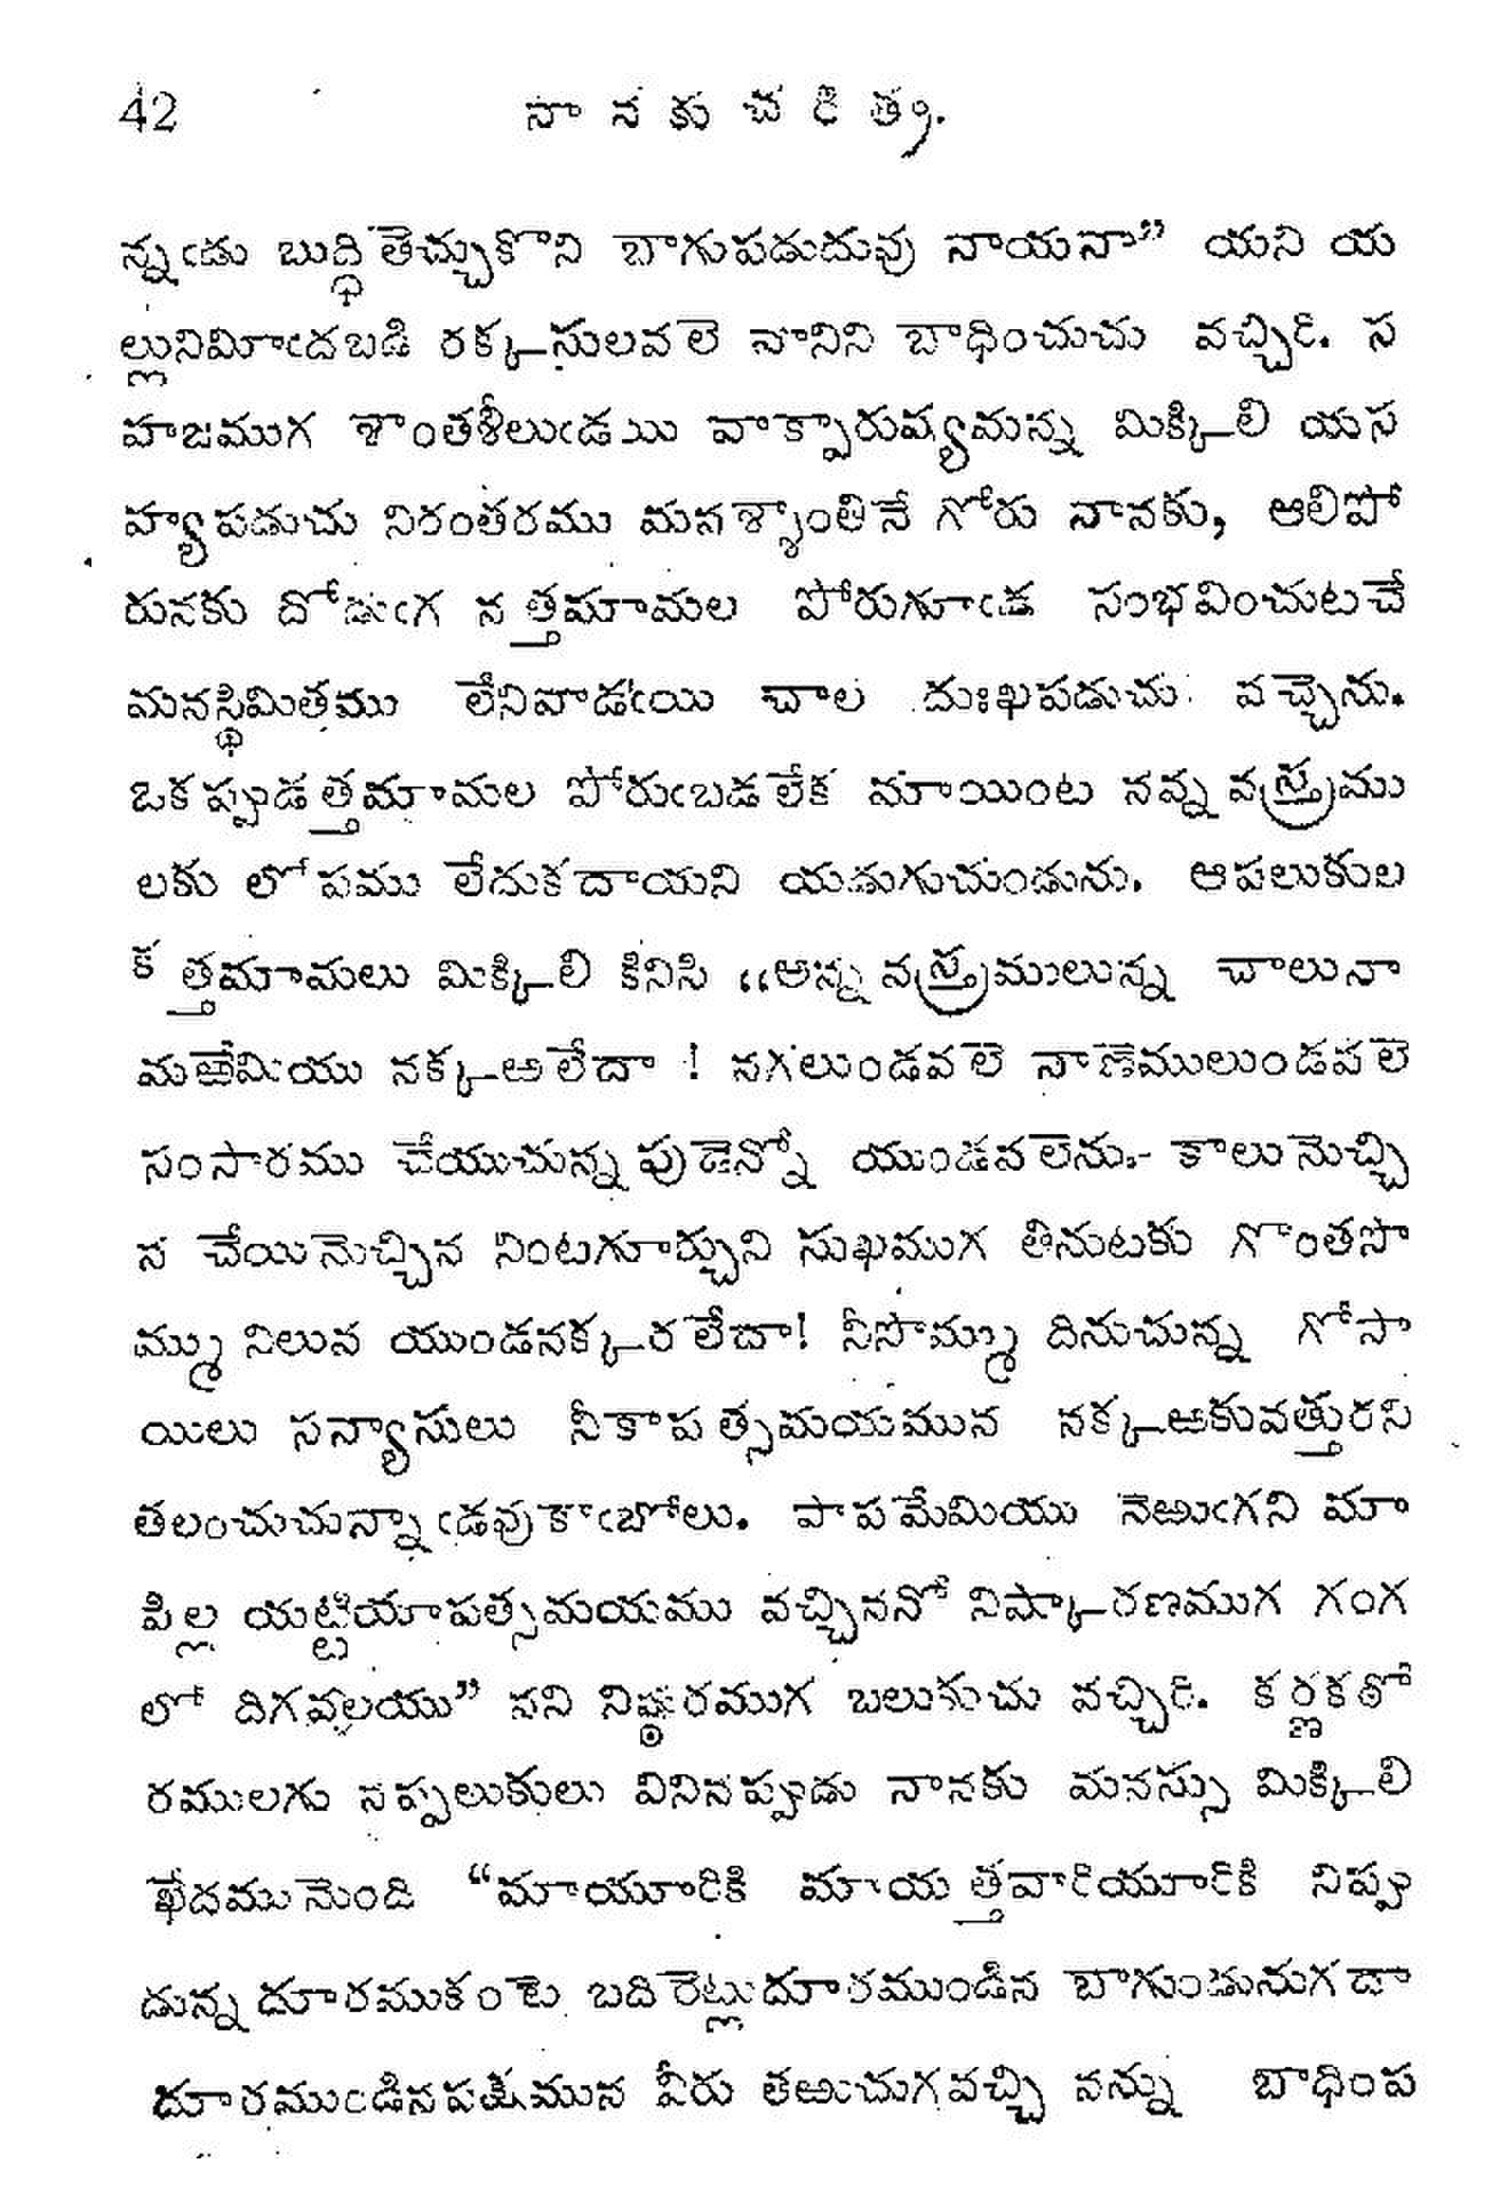న్నడు బుద్ధితెచ్చుకొని బాగుపడుదువు నాయనా" యని యల్లునిమీదబడి రక్కసులవలె వానిని బాధించుచు వచ్చిరి. సహజముగ శాంతశీలుడయి వాక్పారుష్యమన్న మిక్కిలి యసహ్యపడుచు నిరంతరము మనశ్శాంతినే గోరు నానకు, ఆలిపోరునకు దోడుగ నత్తమామల పోరుగూడ సంభవించుటచే మనస్థిమితము లేనివాడయి చాల దు:ఖపడుచు వచ్చెను. ఒకప్పుడత్తమామల పోరుబడలేక మాయింట నన్నవస్త్రములకు లోపము లేదుకదాయని యడుగుచుండును. ఆపలుకుల కత్తమామలు మిక్కిలి కినిసి "అన్న వస్త్రములున్న చాలునా మఱేమియు నక్కఱలేదా! నగలుండవలె నాణెములుండవలె సంసారము చేయుచున్నపుడెన్నో యుండవలెను. కాలు నొచ్చిన చేయినొచ్చిన నింటగూర్చుని సుఖముగ తినుటకు గొంతసొమ్ము నిలువ యుండనక్కరలేదా! నీసొమ్ము దినుచున్న గోసాయిలు సన్యాసులు నీకాపత్సమయమున నక్కఱకువత్తురని తలంచుచున్నాడవు కాబోలు. పాపమేమియు నెఱుగని మాపిల్ల యట్టియాపత్సమయము వచ్చినచో నిష్కారణముగ గంగలో దిగవలయు" నని నిష్ఠురముగ బలుకుచు వచ్చిరి. కర్ణకఠోరములగు నప్పలుకులు వినినప్పుడు నానకు మనస్సు మిక్కిలి ఖేదమునొంది "మాయూరికి మాయత్తవారియూరికి నిప్పుడున్నదూరముకంటె బదిరెట్లుదూరముండిన బాగుండునుగదా దూరముండినపక్షమున వీరు తఱుచుగవచ్చి నన్ను బాధింప